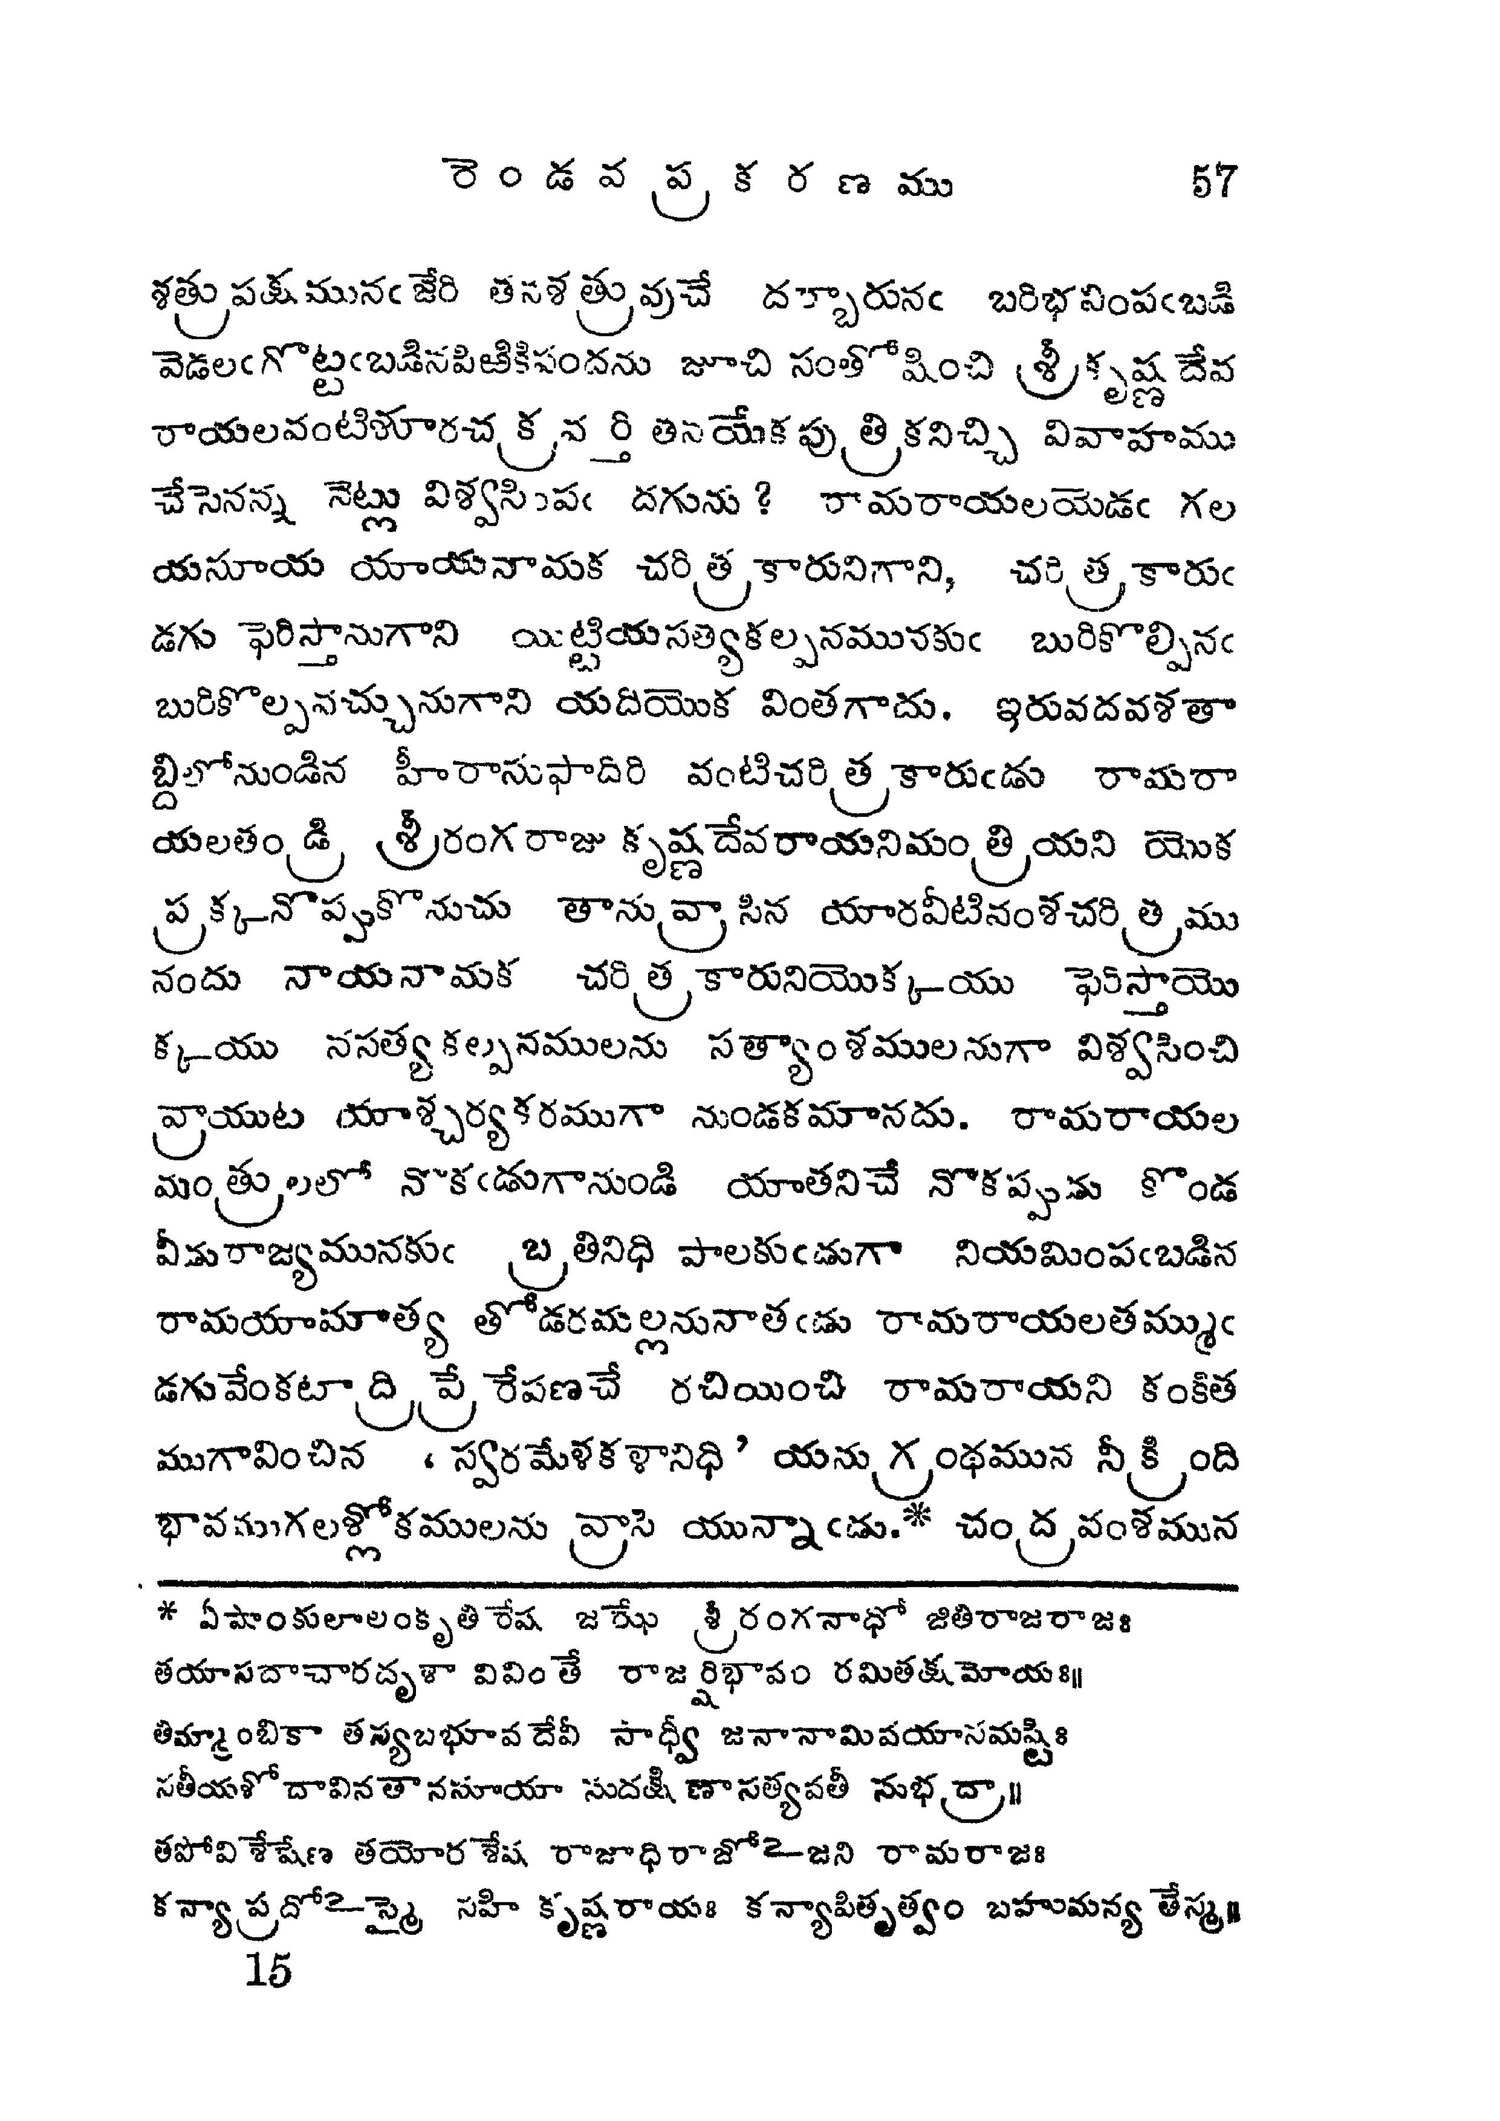శత్రుపక్షమునజేరి తనశత్రువుచే దర్బారున బరిభవింపబడి వెడలగొట్టబడినపిఱికిపందను జూచి సంతోషించి శ్రీకృష్ణదేవరాయలవంటిశూరచక్రవర్తి తనయేకపుత్రికనిచ్చి వివాహము చేసెనన్న నెట్లు విశ్వసింప దగును? రామరాయలయెడ గల యసూయ యాయనామక చరిత్రకారునిగాని, చరిత్రకారుడగు ఫెరిస్తానుగాని యిట్టియసత్యకల్పనమునకు బురికొల్పిన బురికొల్పవచ్చునుగాని యదియొక వింతగాదు. ఇరువదవశతాబ్దిలోనుండిన హీరానుఫాదిరి వంటి చరిత్రకారుడు రామరాయలతండ్రి శ్రీరంగరాజు కృష్ణదేవరాయనిమంత్రియని యొక ప్రక్కనొప్పుకొనుచు తానువ్రాసిన యారవీటివంశచరిత్రము నందు నాయనామక చరిత్రకారునియొక్కయు ఫెరిస్తాయొక్కయు నసత్యకల్పనములను సత్యాంశములనుగా విశ్వసించి వ్రాయుట యాశ్చర్యకరముగా నుండకమానదు. రామరాయల మంత్రులలో నొకడుగానుండి యాతనిచే నొకప్పుడు కొండవీడురాజ్యమునకు బ్రతినిధి పాలకుడుగా నియమింపబడిన రామయామాత్య తోడరమల్లనునాతడు రామరాయలతమ్ముడగు వేంకటాద్రి ప్రేరేపణచే రచియించి రామరాయని కంకితముగావించిన 'స్వరమేళకళానిధి' య్నుగ్రంథమున నీక్రింది భావముగలశ్లోకములను వ్రాసి యున్నాడు. చంద్రవంశమున